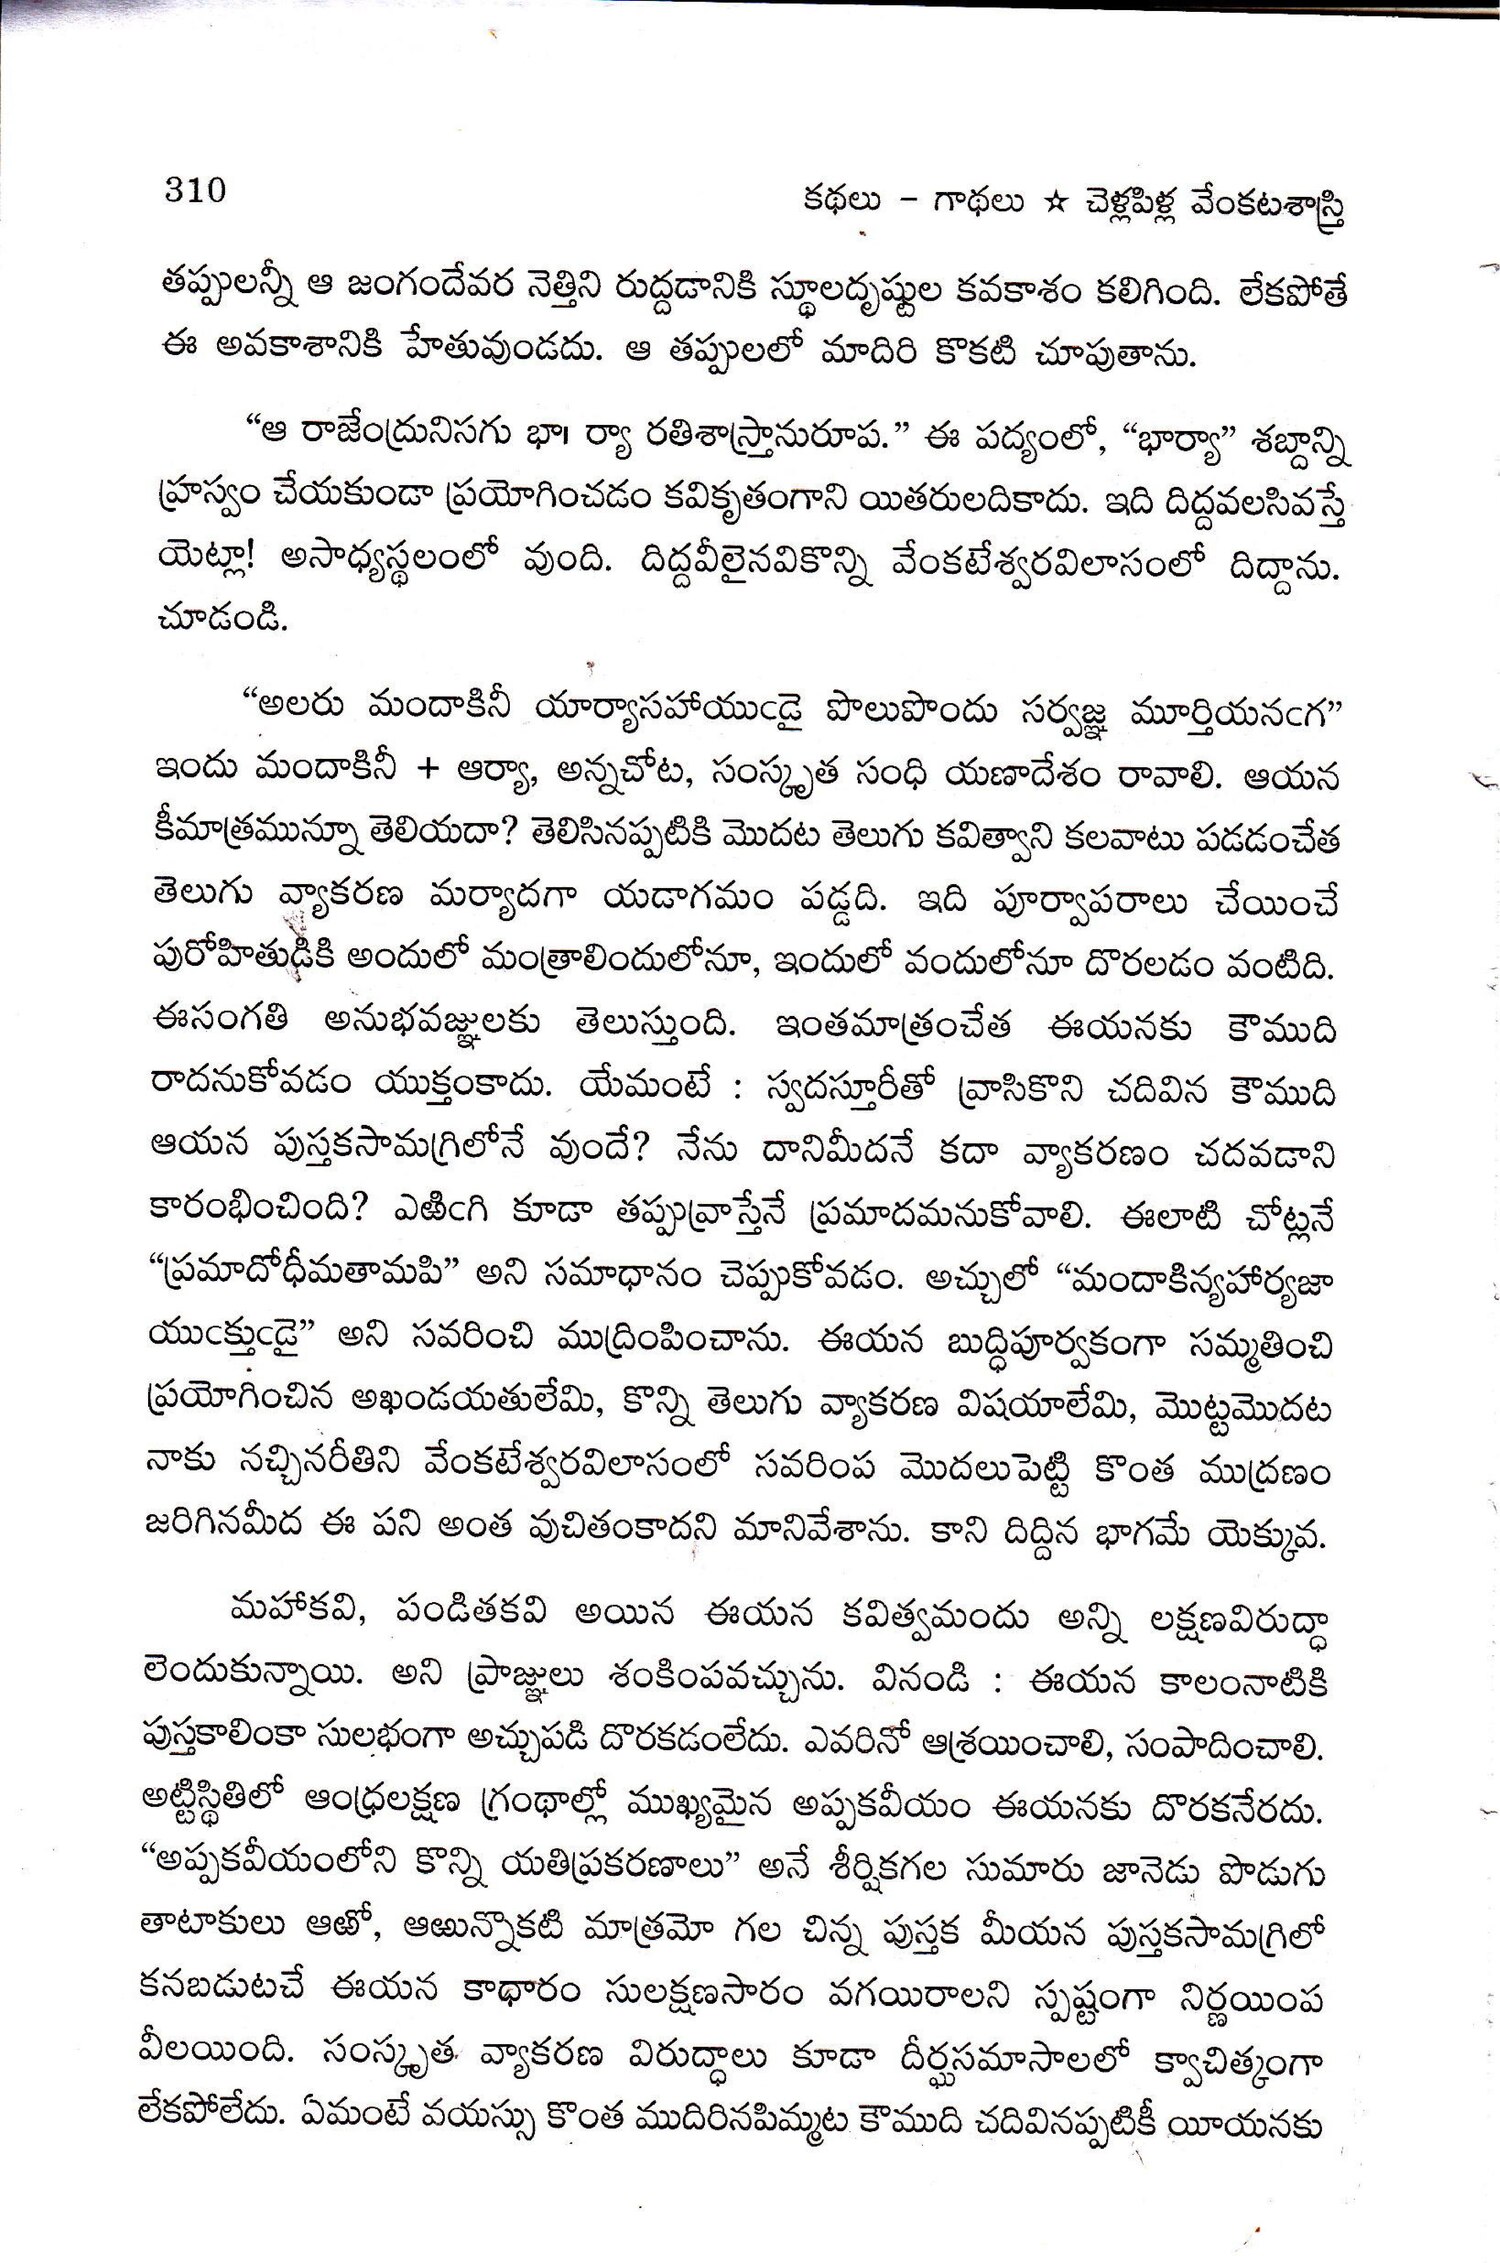తప్పులన్నీ ఆ జంగందేవర నెత్తిని రుద్దడానికి స్థూలదృష్టుల కవకాశం కలిగింది. లేకపోతే ఈ అవకాశానికి హేతువుండదు. ఆ తప్పులలో మాదిరి కొకటి చూపుతాను.

“ఆ రాజేంద్రునిసగు భా ర్యా రతిశాస్త్రానురూప.” ఈ పద్యంలో, “భార్యా" శబ్దాన్ని హ్రస్వం చేయకుండా ప్రయోగించడం కవికృతంగాని యితరులదికాదు. ఇది దిద్దవలసివస్తే యెట్లా! అసాధ్యస్థలంలో వుంది. దిద్దవీలైనవికొన్ని వేంకటేశ్వరవిలాసంలో దిద్దాను. చూడండి.

"అలరు మందాకినీ యార్యాసహాయుఁడై పొలుపొందు సర్వజ్ఞ మూర్తియనఁగ" ఇందు మందాకినీ + ఆర్యా, అన్నచోట, సంస్కృత సంధి యణాదేశం రావాలి. ఆయన కీమాత్రమున్నూతెలియదా? తెలిసినప్పటికి మొదట తెలుగు కవిత్వాని కలవాటు పడడంచేత తెలుగు వ్యాకరణ మర్యాదగా యడాగమం పడ్డది. ఇది పూర్వాపరాలు చేయించే పురోహితుడికి అందులో మంత్రాలిందులోనూ, ఇందులో వందులోనూ దొరలడం వంటిది. ఈసంగతి అనుభవజ్ఞులకు తెలుస్తుంది. ఇంతమాత్రంచేత ఈయనకు కౌముది రాదనుకోవడం యుక్తంకాదు. యేమంటే : స్వదస్తూరీతో వ్రాసికొని చదివిన కౌముది ఆయన పుస్తకసామగ్రిలోనే వుందే? నేను దానిమీదనే కదా వ్యాకరణం చదవడాని కారంభించింది? ఎఱిఁగి కూడా తప్పువ్రాస్తేనే ప్రమాదమనుకోవాలి. ఈలాటి చోట్లనే "ప్రమాదోధీమతామపి" అని సమాధానం చెప్పుకోవడం. అచ్చులో "మందాకిన్యహార్యజా యుఁక్తుఁడై" అని సవరించి ముద్రింపించాను. ఈయన బుద్ధిపూర్వకంగా సమ్మతించి ప్రయోగించిన అఖండయతులేమి, కొన్ని తెలుగు వ్యాకరణ విషయాలేమి, మొట్టమొదట నాకు నచ్చినరీతిని వేంకటేశ్వరవిలాసంలో సవరింప మొదలుపెట్టి కొంత ముద్రణం జరిగినమీద ఈ పని అంత వుచితంకాదని మానివేశాను. కాని దిద్దిన భాగమే యొక్కువ.

మహాకవి, పండితకవి అయిన ఈయన కవిత్వమందు అన్ని లక్షణవిరుద్దా లెందుకున్నాయి. అని ప్రాజ్ఞులు శంకింపవచ్చును. వినండి : ఈయన కాలంనాటికి పుస్తకాలింకా సులభంగా అచ్చుపడి దొరకడంలేదు. ఎవరినో ఆశ్రయించాలి, సంపాదించాలి. అట్టిస్థితిలో ఆంధ్రలక్షణ గ్రంథాల్లో ముఖ్యమైన అప్పకవీయం ఈయనకు దొరకనేరదు. “అప్పకవీయంలోని కొన్ని యతిప్రకరణాలు" అనే శీర్షికగల సుమారు జానెడు పొడుగు తాటాకులు ఆఱో, ఆఱున్నొకటి మాత్రమో గల చిన్న పుస్తక మీయన పుస్తకసామగ్రిలో కనబడుటచే ఈయన కాధారం సులక్షణసారం వగయిరాలని స్పష్టంగా నిర్ణయింప వీలయింది. సంస్కృత వ్యాకరణ విరుద్ధాలు కూడా దీర్ఘసమాసాలలో క్వాచిత్కంగా లేకపోలేదు. ఏమంటే వయస్సు కొంత ముదిరినపిమ్మట కౌముది చదివినప్పటికీ యీయనకు